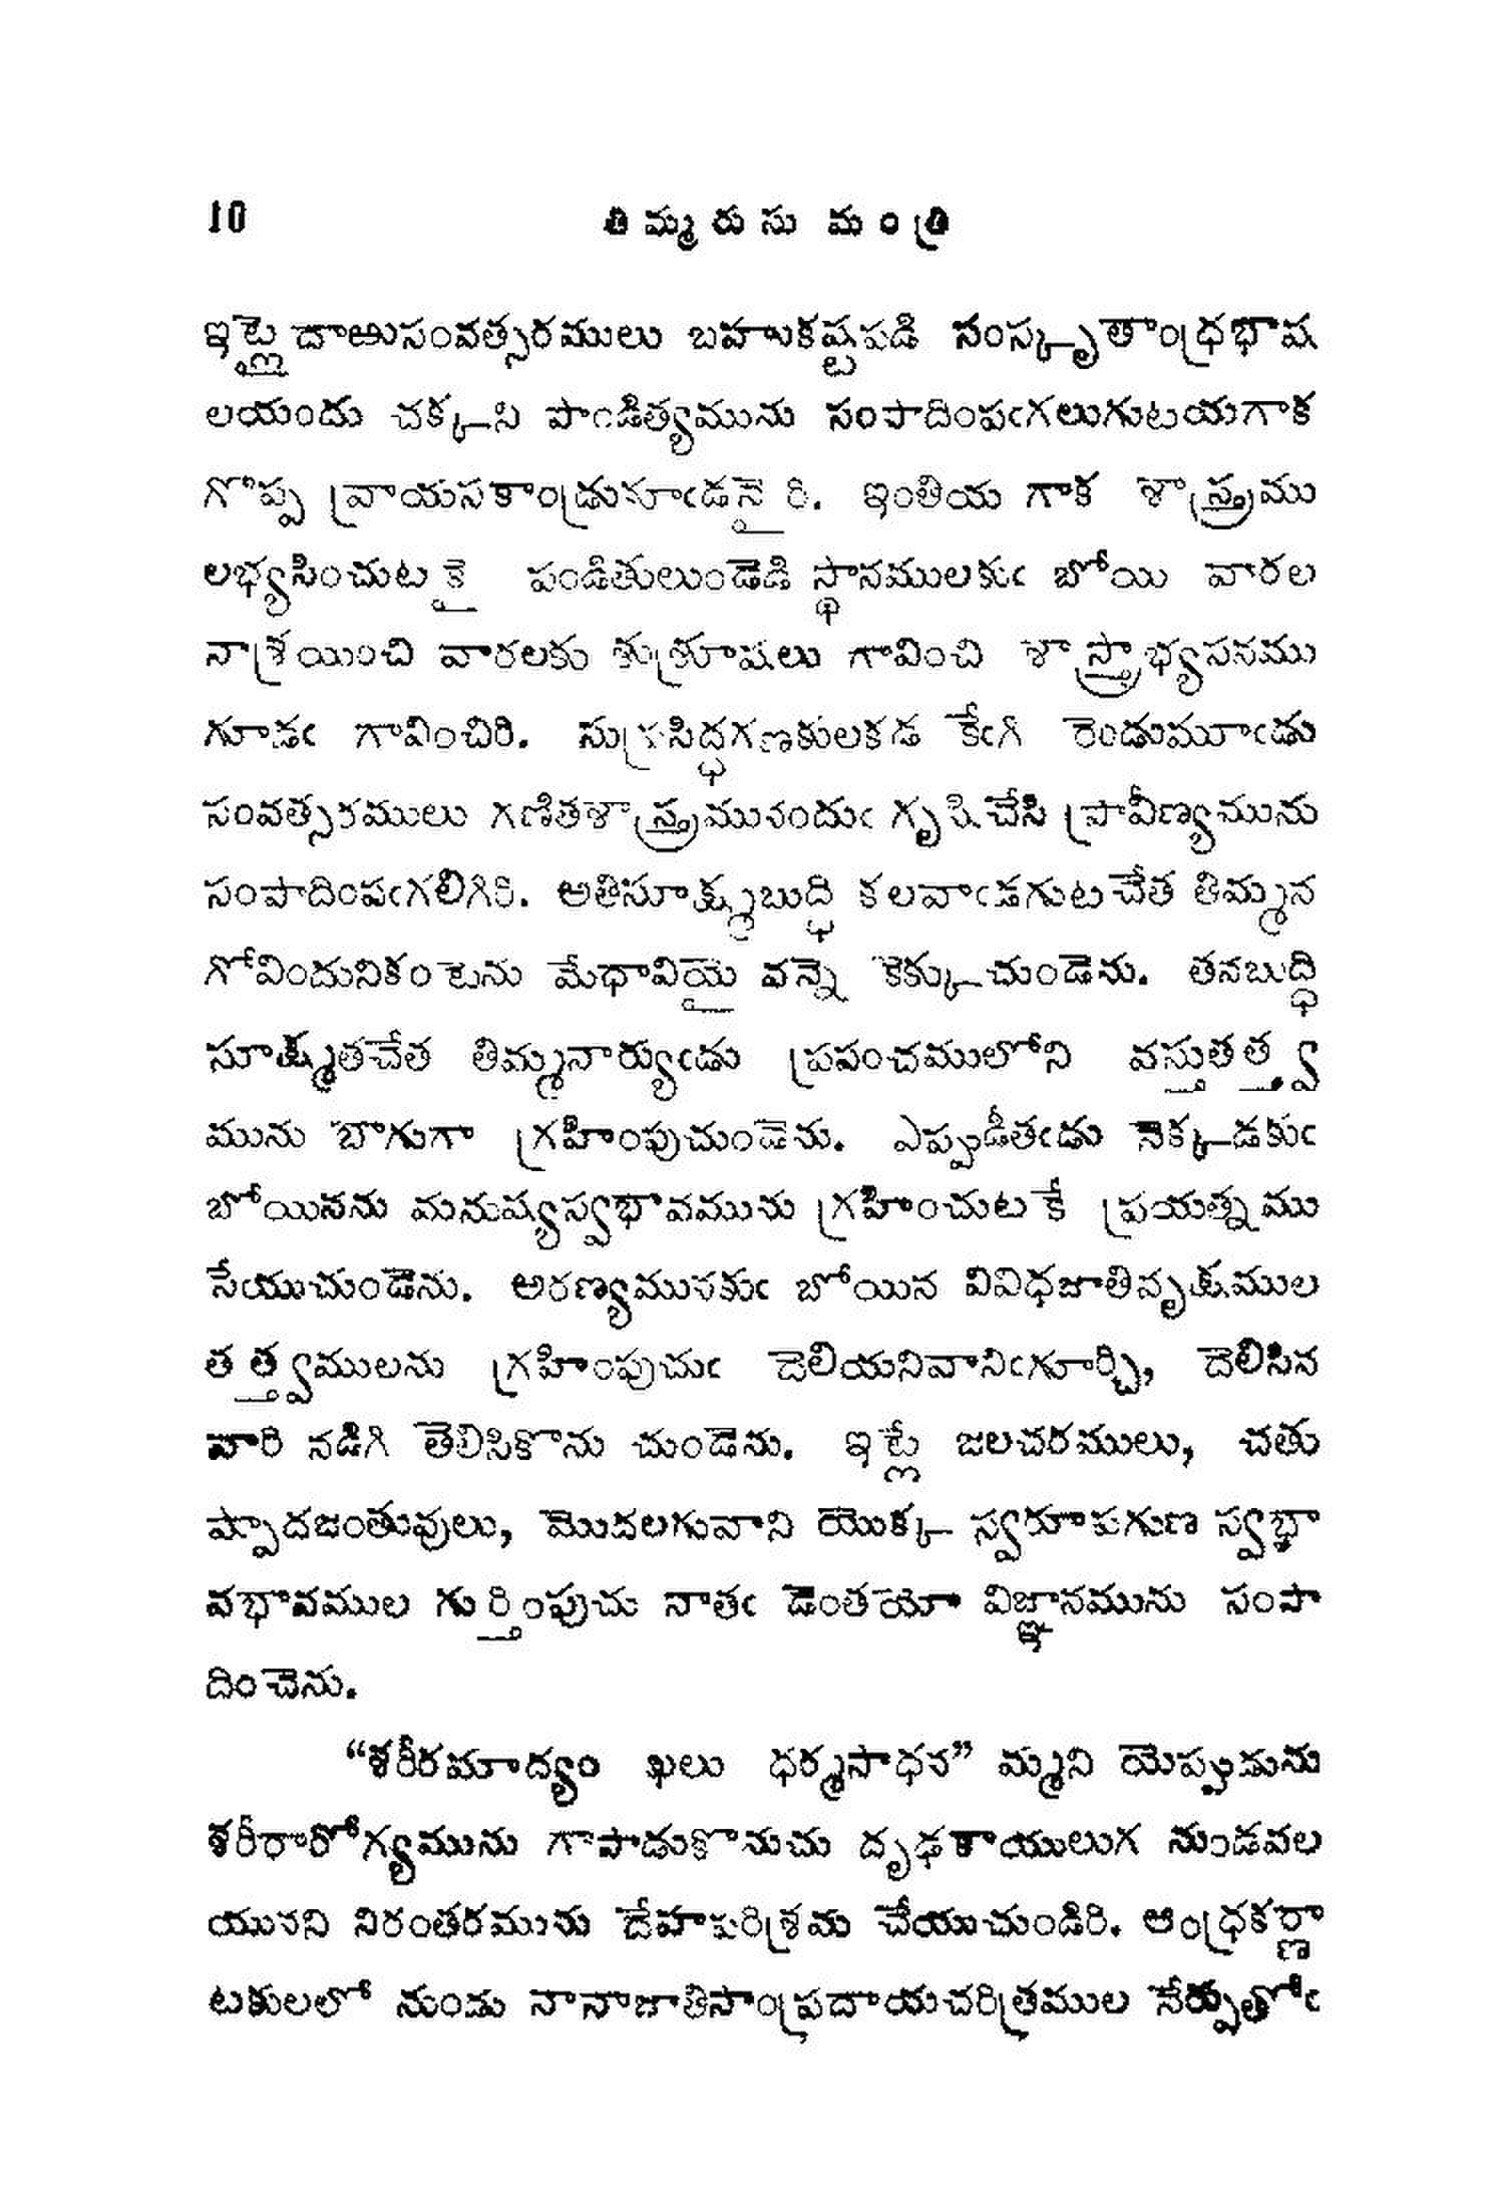ఇట్లైదాఱుసంవత్సరములు బహుకష్టపడి సంస్కృతాంధ్రభాషలయందు చక్కని పాండిత్యమును సంపాదింపఁగలుగుటయగాక గొప్ప వ్రాయసకాండ్రుకూఁడనైరి. ఇంతియ గాక శాస్త్రము లభ్యసించుటకై పండితులుండెడి స్థానములకుఁ బోయి వారల నాశ్రయించి వారలకు శుశ్రూషలు గావించి శాస్త్రాభ్యసనము గూడఁ గావించిరి. సుప్రసిద్ధగణకులకడ కేఁగి రెండుమూఁడు సంవత్సరములు గణితశాస్త్రమునందుఁ గృషిచేసి ప్రావీణ్యమును సంపాదింపఁగలిగిరి. అతిసూక్ష్మబుద్ధి కలవాఁడగుటచేత తిమ్మన గోవిందునికంటెను మేధావియై వన్నె కెక్కుచుండెను. తనబుద్ది సూక్ష్మతచేత తిమ్మనార్యుఁడు ప్రపంచములోని వస్తుతత్త్వమును బాగుగా గ్రహింపుచుండెను. ఎప్పుడీతఁడు నెక్కడకుఁ బోయినను మనుష్యస్వభావమును గ్రహించుటకే ప్రయత్నము సేయుచుండెను. అరణ్యమునకుఁ బోయిన వివిధజాతివృక్షముల తత్త్వములను గ్రహింపుచుఁ దెలియనివానిఁగూర్చి, దెలిసిన వారి నడిగి తెలిసికొను చుండెను. ఇట్లే జలచరములు, చతుష్పాదజంతువులు, మొదలగువాని యొక్క స్వరూపగుణ స్వభావభావముల గుర్తింపుచు నాతఁ డెంతయో విజ్ఞానమును సంపాదించెను.

"శరీరమాద్యం ఖలు ధర్మసాధన" మ్మని యెప్పుడును శరీరారోగ్యమును గాపాడుకొనుచు దృఢకాయులుగ నుండవలయునని నిరంతరమును దేహపరిశ్రమ చేయుచుండిరి. ఆంధ్రకర్ణాటకులలో నుండు నానాజాతిసాంప్రదాయచరిత్రముల నేర్పుతోఁ